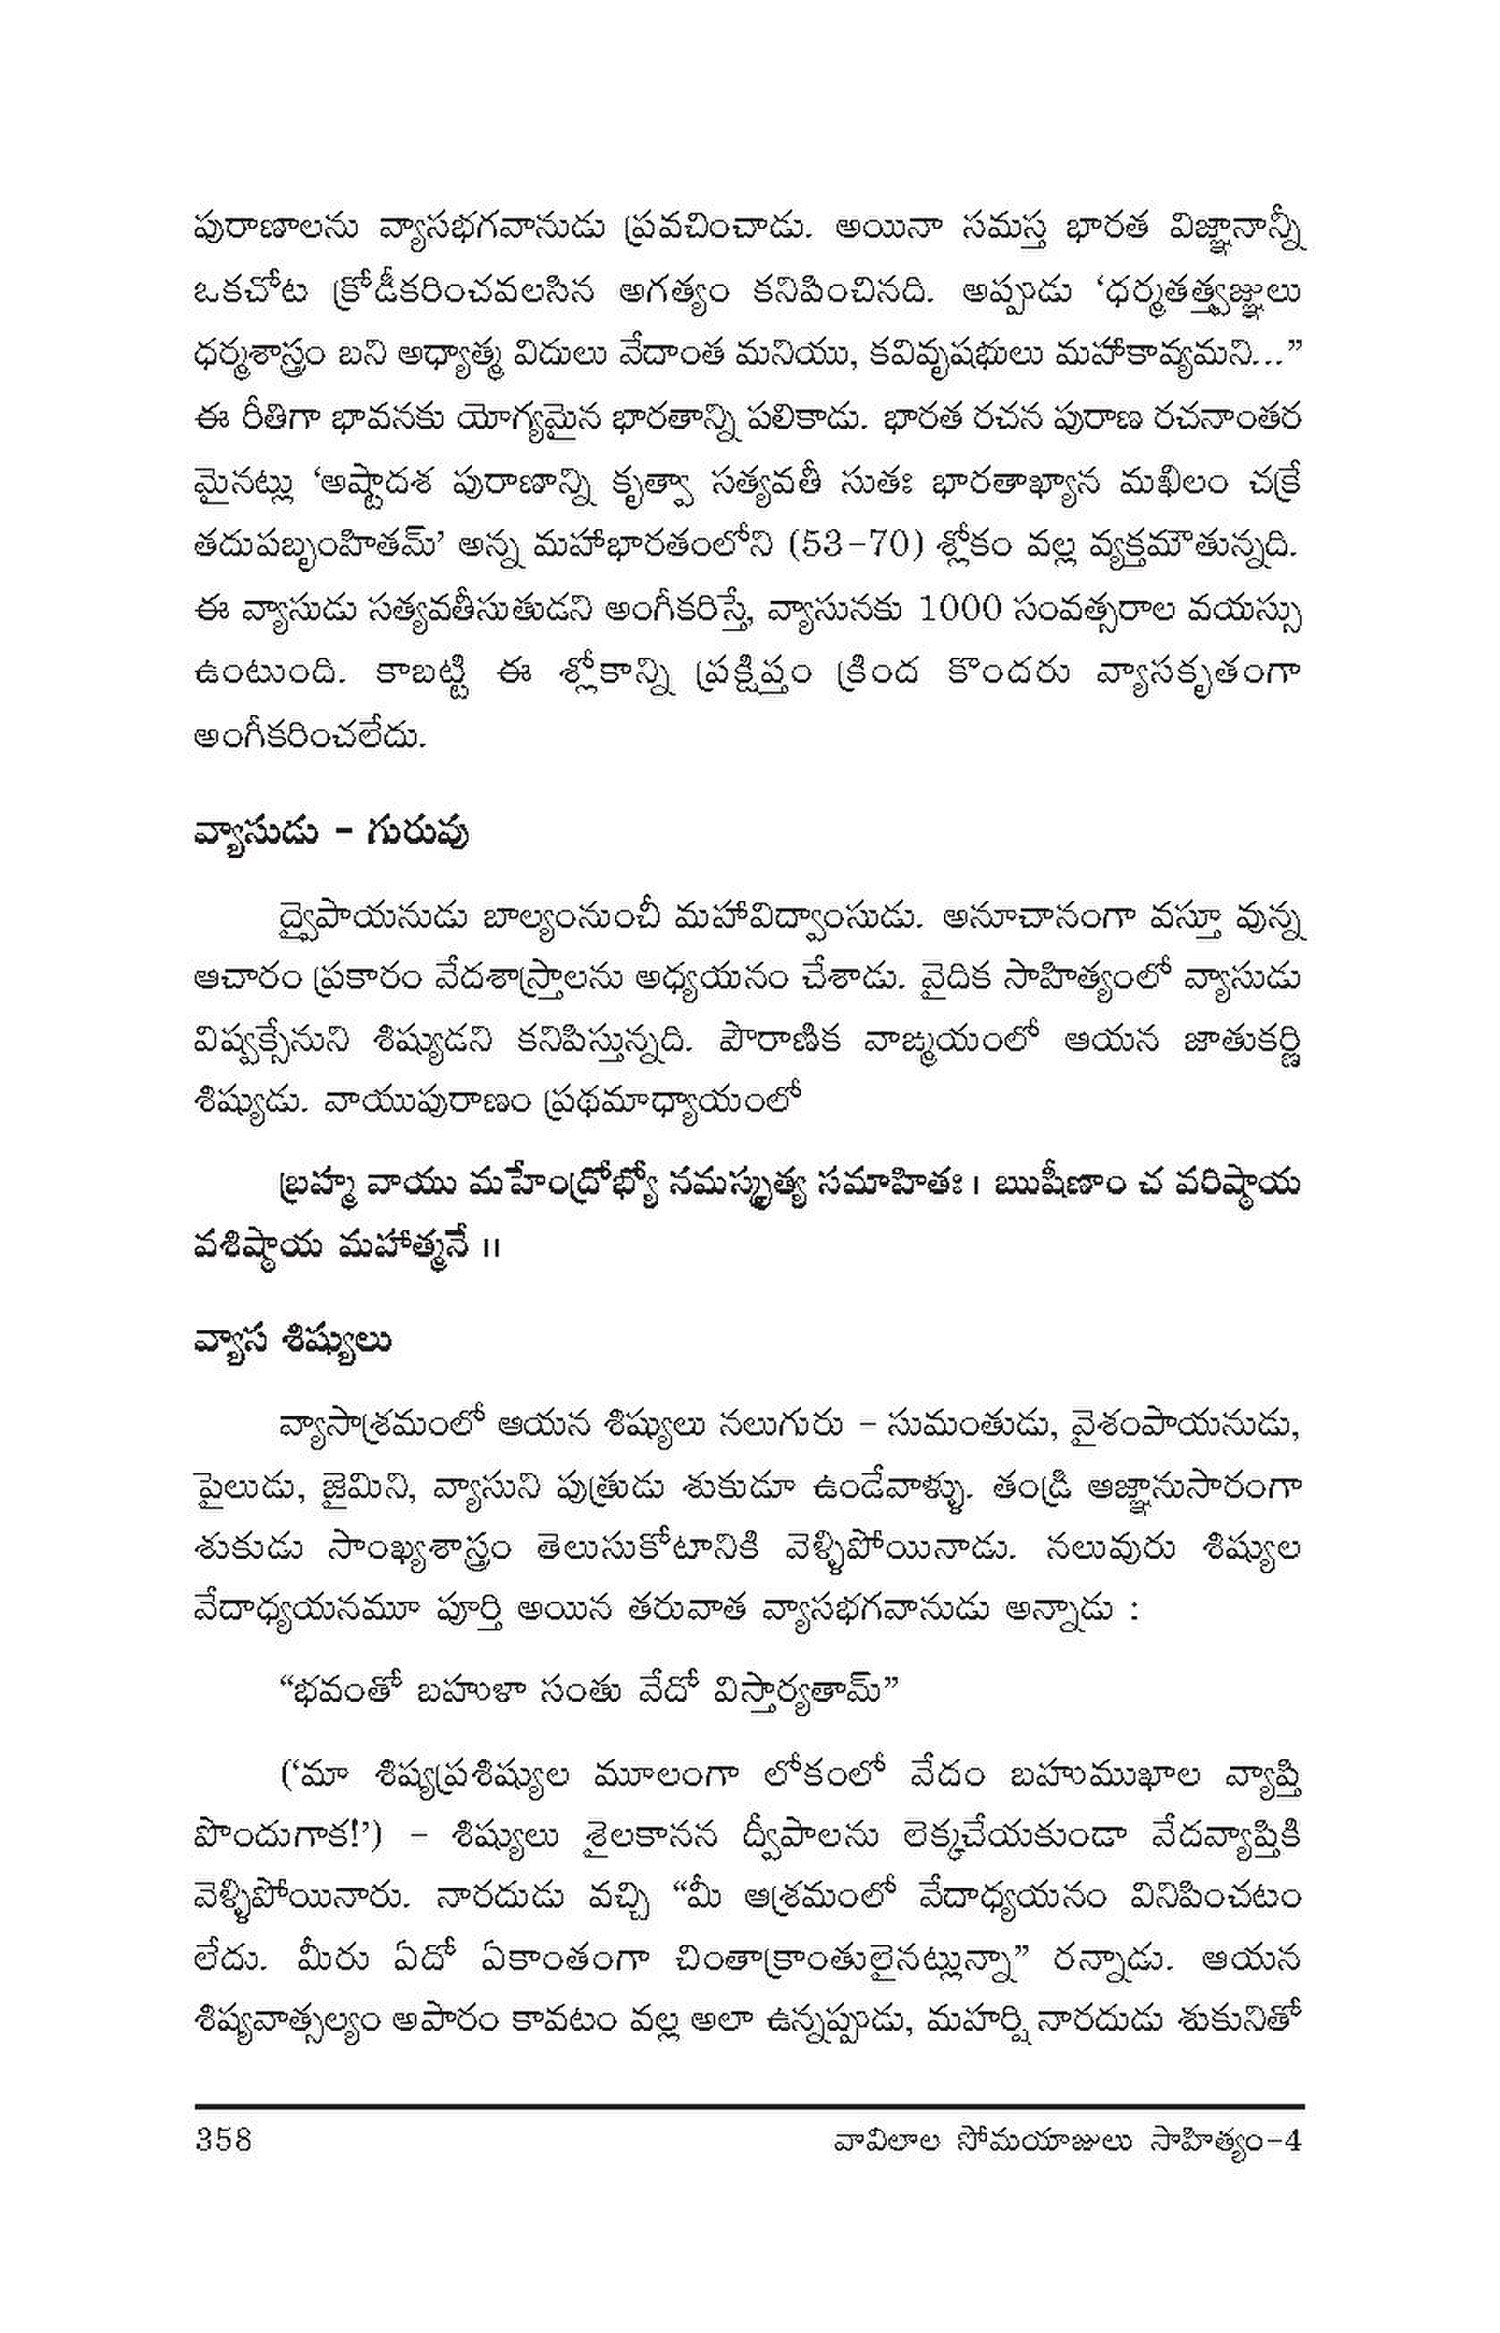పురాణాలను వ్యాసభగవానుడు ప్రవచించాడు. అయినా సమస్త భారత విజ్ఞానాన్నీ
ఒకచోట క్రోడీకరించవలసిన అగత్యం కనిపించినది. అప్పుడు 'ధర్మతత్త్వజ్ఞులు
ధర్మశాస్త్రం బని అధ్యాత్మ విదులు వేదాంత మనియు, కవివృషభులు మహాకావ్యమని...”
ఈ రీతిగా భావనకు యోగ్యమైన భారతాన్ని పలికాడు. భారత రచన పురాణ రచనాంతర
మైనట్లు 'అష్టాదశ పురాణాన్ని కృత్వా సత్యవతీ సుతః భారతాఖ్యాన మఖిలం చక్రే
తదుపబృంహితమ్' అన్న మహాభారతంలోని (53-70) శ్లోకం వల్ల వ్యక్తమౌతున్నది.
ఈ వ్యాసుడు సత్యవతీసుతుడని అంగీకరిస్తే, వ్యాసునకు 1000 సంవత్సరాల వయస్సు
ఉంటుంది. కాబట్టి ఈ శ్లోకాన్ని ప్రక్షిప్తం క్రింద కొందరు వ్యాసకృతంగా
అంగీకరించలేదు. 

వ్యాసుడు - గురువు

ద్వైపాయనుడు బాల్యంనుంచీ మహావిద్వాంసుడు. అనూచానంగా వస్తూ వున్న
ఆచారం ప్రకారం వేదశాస్త్రాలను అధ్యయనం చేశాడు. వైదిక సాహిత్యంలో వ్యాసుడు
విష్వక్సేనుని శిష్యుడని కనిపిస్తున్నది. పౌరాణిక వాఙ్మయంలో ఆయన జాతుకర్ణి
శిష్యుడు. వాయుపురాణం ప్రథమాధ్యాయంలో 
బ్రహ్మ వాయు మహేంద్రోభ్యో నమస్కృత్య సమాహితః | ఋషీణాం చ వరిష్ఠాయ వశిష్ఠాయ మహాత్మనే || 

వ్యాస శిష్యులు 

వ్యాసాశ్రమంలో ఆయన శిష్యులు నలుగురు - సుమంతుడు, వైశంపాయనుడు,
పైలుడు, జైమిని, వ్యాసుని పుత్రుడు శుకుడూ ఉండేవాళ్ళు. తండ్రి ఆజ్ఞానుసారంగా
శుకుడు సాంఖ్యశాస్త్రం తెలుసుకోటానికి వెళ్ళిపోయినాడు. నలువురు శిష్యుల
వేదాధ్యయనమూ పూర్తి అయిన తరువాత వ్యాసభగవానుడు అన్నాడు : 

"భవంతో బహుళా సంతు వేదో విస్తార్యతామ్” 

('మా శిష్యప్రశిష్యుల మూలంగా లోకంలో వేదం బహుముఖాల వ్యాప్తి
పొందుగాక!' శిష్యులు శైలకానన ద్వీపాలను లెక్కచేయకుండా వేదవ్యాప్తికి
వెళ్ళిపోయినారు. నారదుడు వచ్చి "మీ ఆశ్రమంలో వేదాధ్యయనం వినిపించటం
లేదు. మీరు ఏదో ఏకాంతంగా చింతాక్రాంతులైనట్లున్నా” రన్నాడు. ఆయన
శిష్యవాత్సల్యం అపారం కావటం వల్ల అలా ఉన్నప్పుడు, మహర్షి నారదుడు శుకునితో